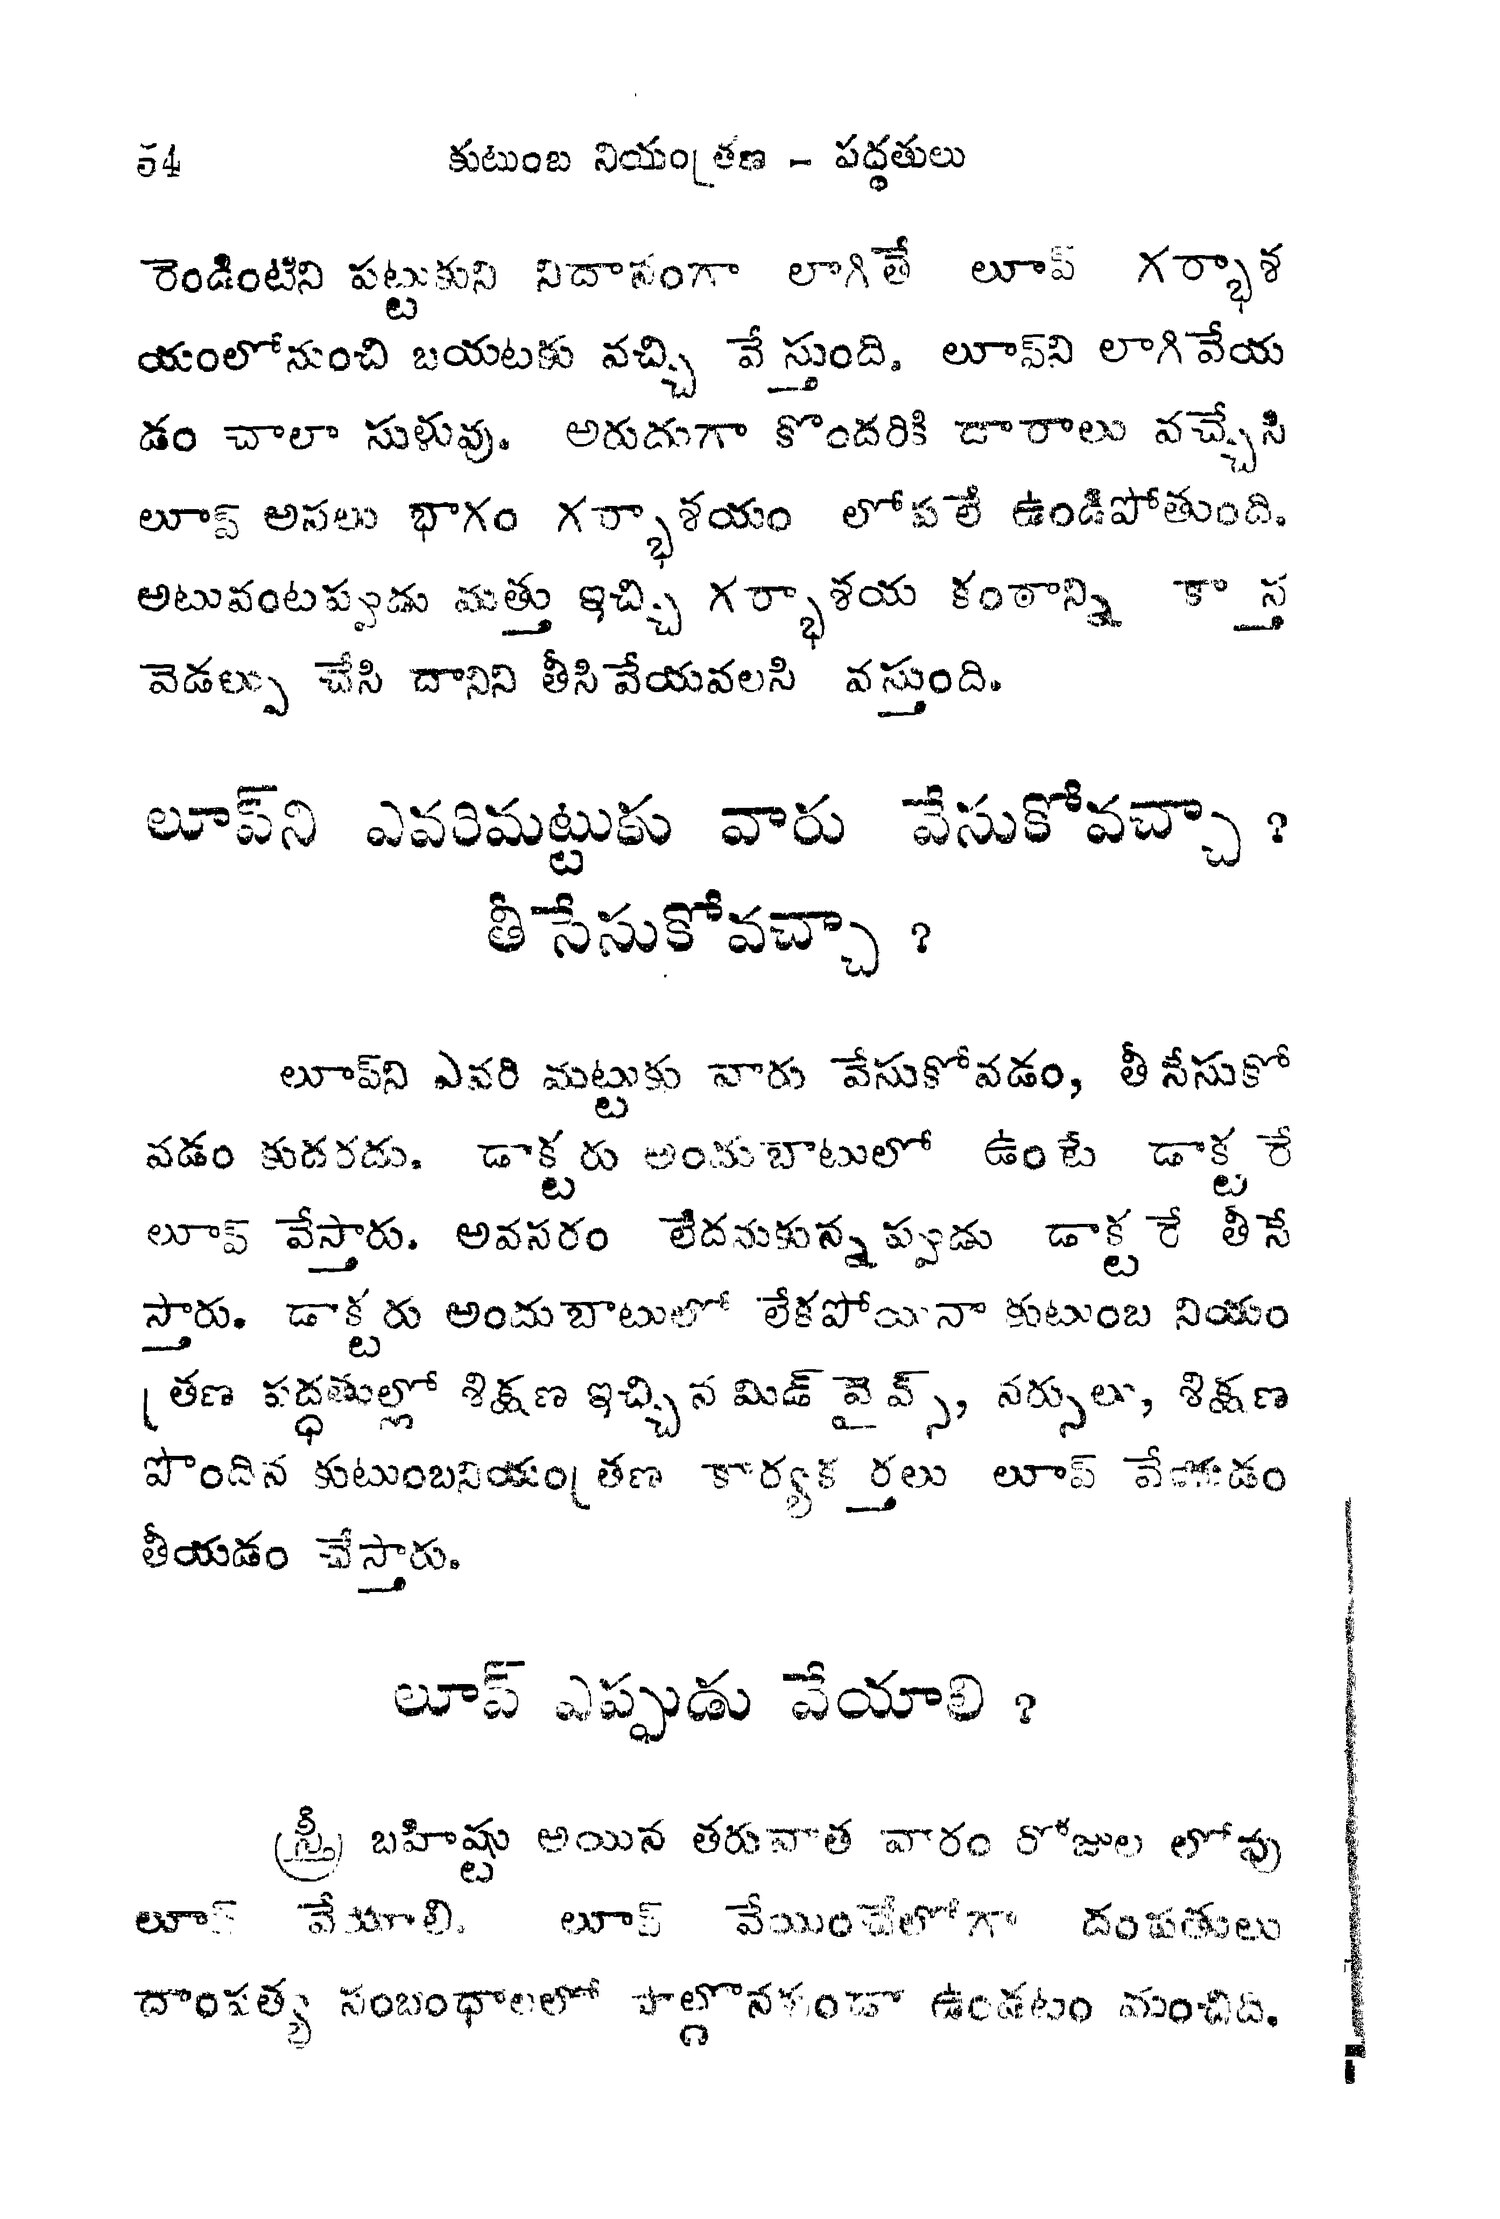రెండింటిని పట్టుకుని నిదానంగా లాగితే లూప్ గర్భాశయంలోనుంచి బయటకు వచ్చి వేస్తుంది. లూప్‌ని లాగివేయడం చాలా సుళువు. అరుదుగా కొందరికి దారాలు వచ్చేసి లూప్ అసలు బాగం గర్భాశయం లోపలే ఉండిపోతుంది. అటువంటప్పుడు మత్తు ఇచ్చి గర్భాశయ కంఠాన్ని కాస్త వెడల్పు చేసి దానిని తీసివేయవలసి వస్తుంది.

లూప్‌ని ఎవరి మట్టుకు వారు వేసుకోవడం, తీసేసుకోవడం కుదరదు. డాక్టరు అందుబాటులో ఉంటే డాక్టరే లూప్ వేస్తారు. అవసరం లేదనుకున్నప్పుడు డాక్టరే తీసేస్తారు. డాక్టరు అందుబాటులో లేకపోయినా కుటుంబ నియంత్రణ పద్ధతుల్లో శిక్షణ ఇచ్చిన మిడ్‌వైవ్స్, నర్సులు, శిక్షణ పొందిన కుటుంబనియంత్రణ కార్యకర్తలు లూప్ వేయడం తీయడం చేస్తారు.

స్త్రీ బహిష్టు అయిన తరువాత వారం రోజుల లోపు లూప్ వేయాలి. లూప్ వేయించేలోగా దంపతులు దాంపత్య సంబంధాలలో పాల్గొనకుండా ఉండటం మంచిది.